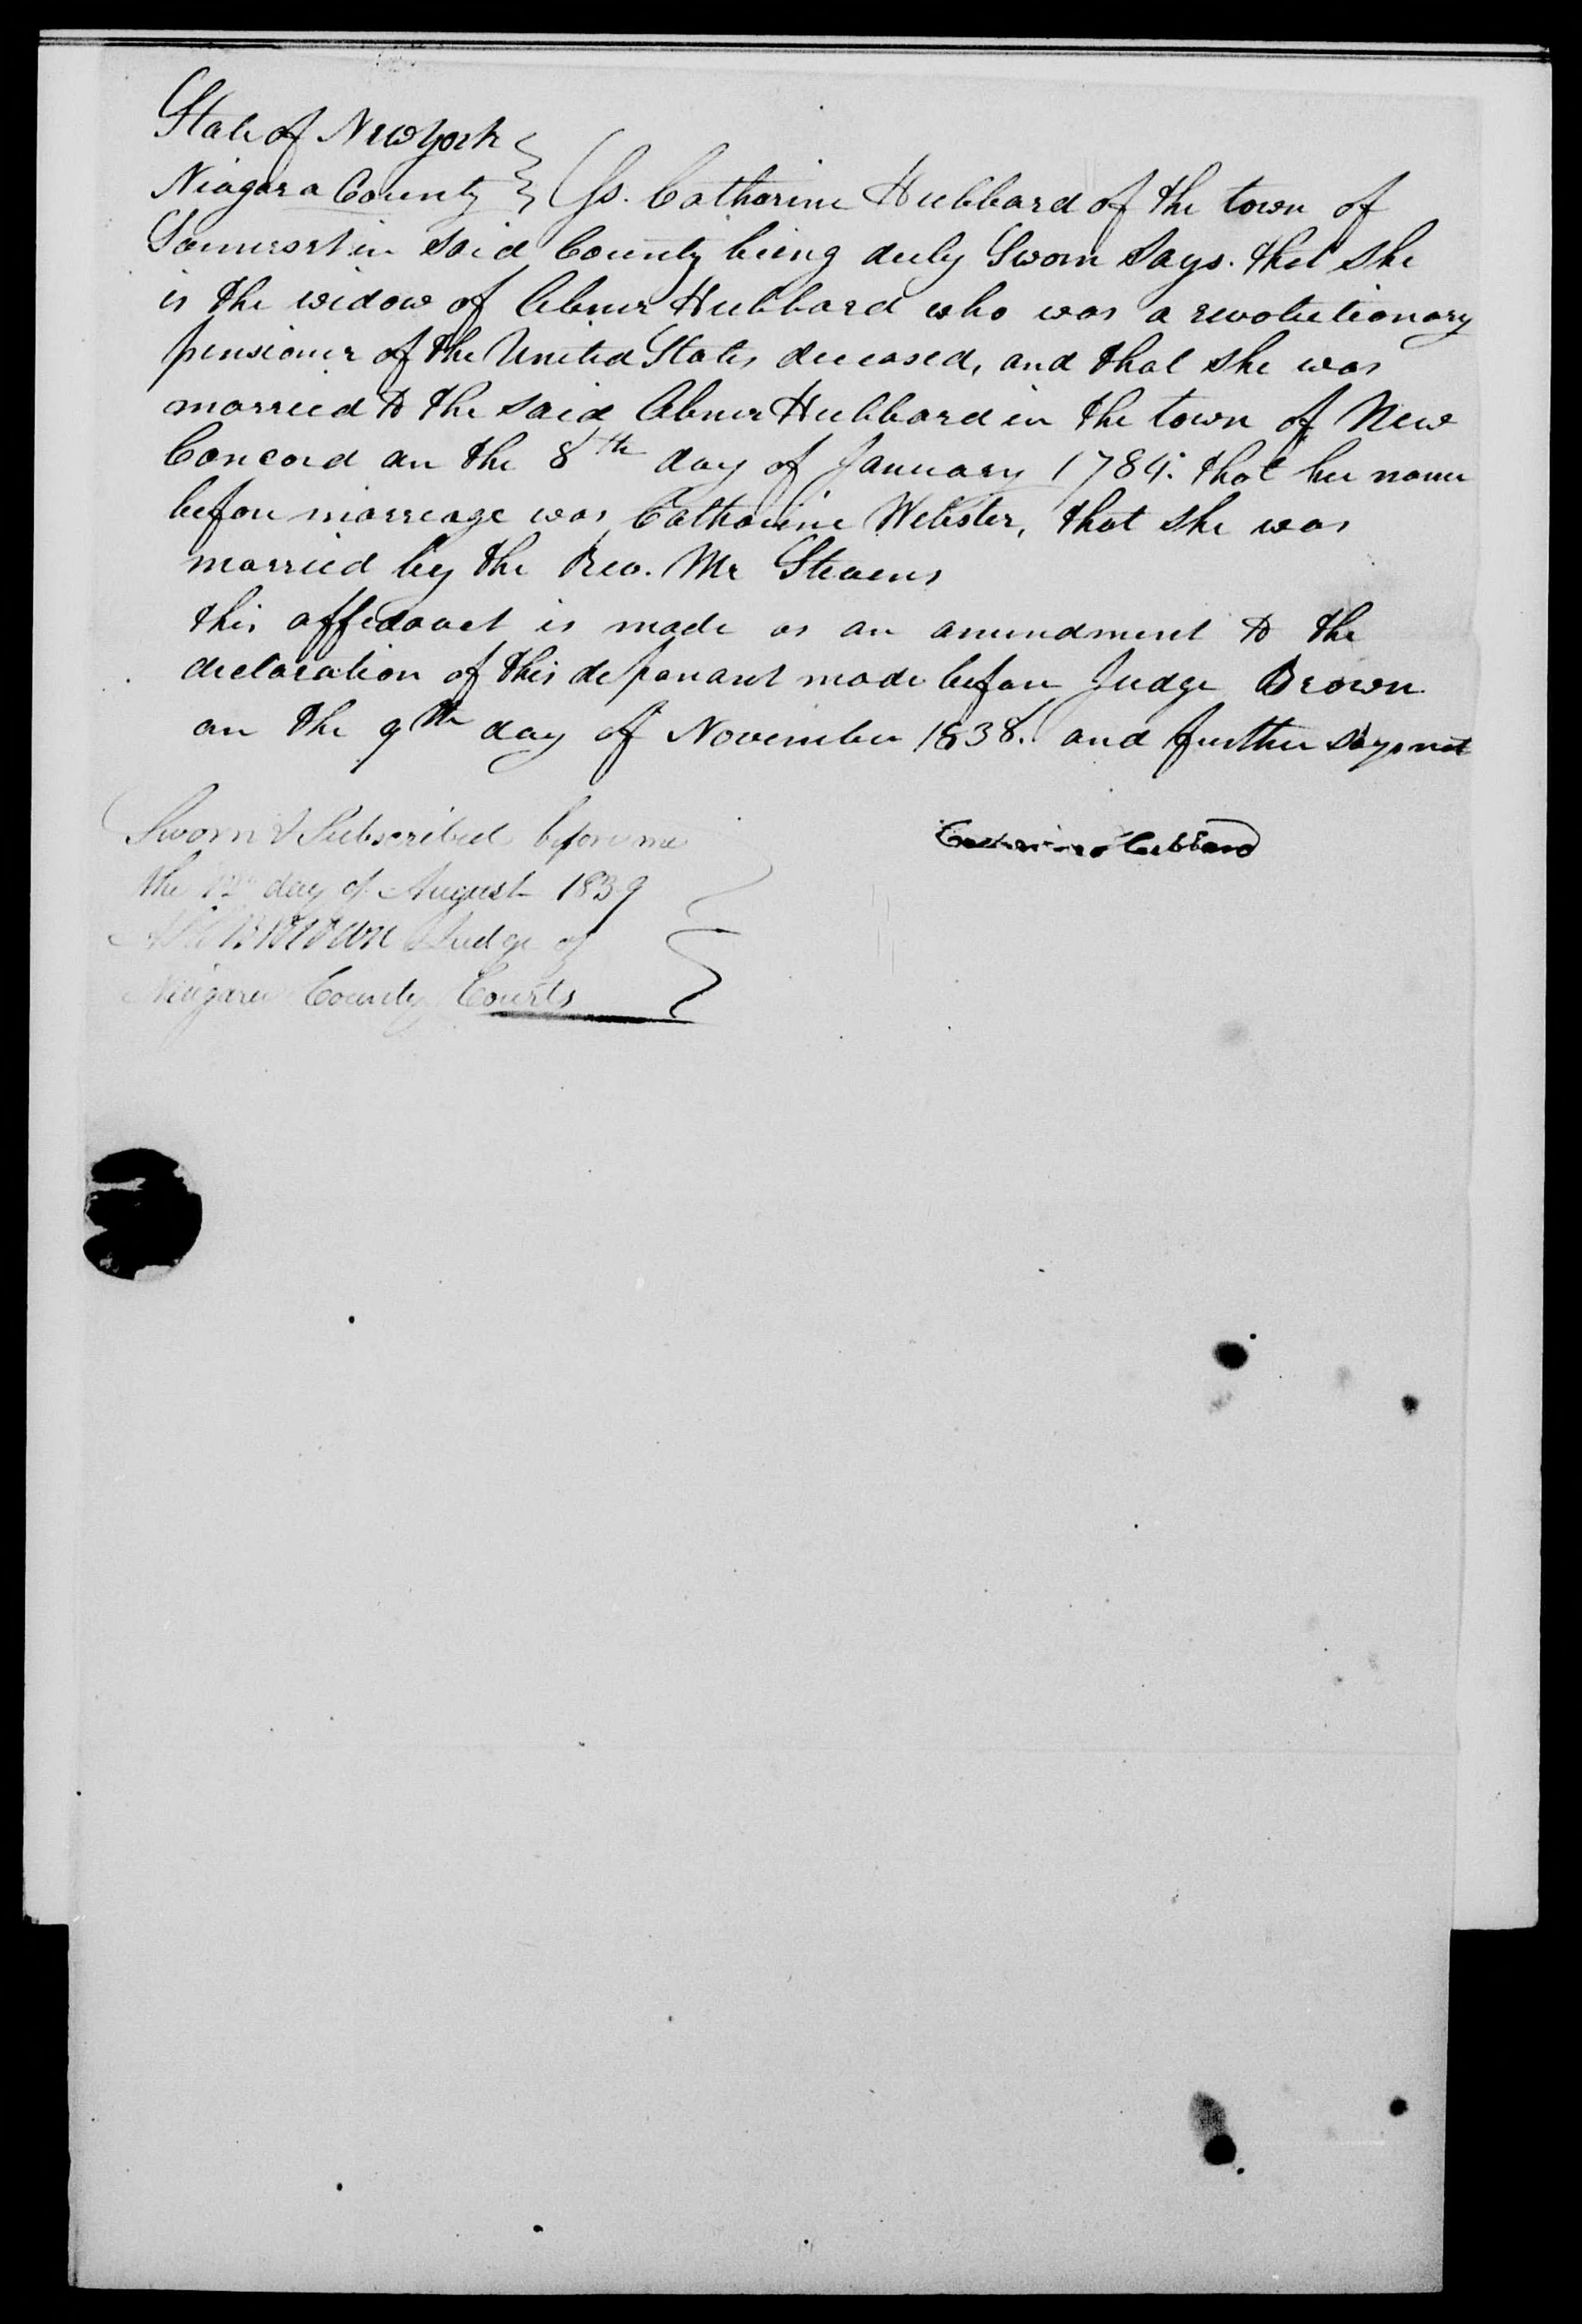State of New York

Niagara County.  Ys. Catherine Hubbard of the town of Somerset in said County being duly sworn says that she is the widow of Abner Hubbard who was a revolutionary pensioner of the United States, deceased, and that she was married to the said Abner Hubbard in the town of New Concord on the 8th day of January 1784 that her name before marriage was Catherine Webster, that she was married by the Rev. Mr. Stearns.   This affidavit is made as the amendment to the declaration of this deposer made before Judge Brown on the 9th day of November 1838 and further says not

Catherine Hubbard

Sworn & Subscribed before me this 12th day of August 1839.  [Name unreadable] Judge of Niagara County Courts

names: Stevens, Catharine Hubbard, Asa B Brown, Abner Hubbard, Catharine Webster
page: 37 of 38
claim: widow's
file: W. 23,381, Abner Hubbard, Continental Mass.